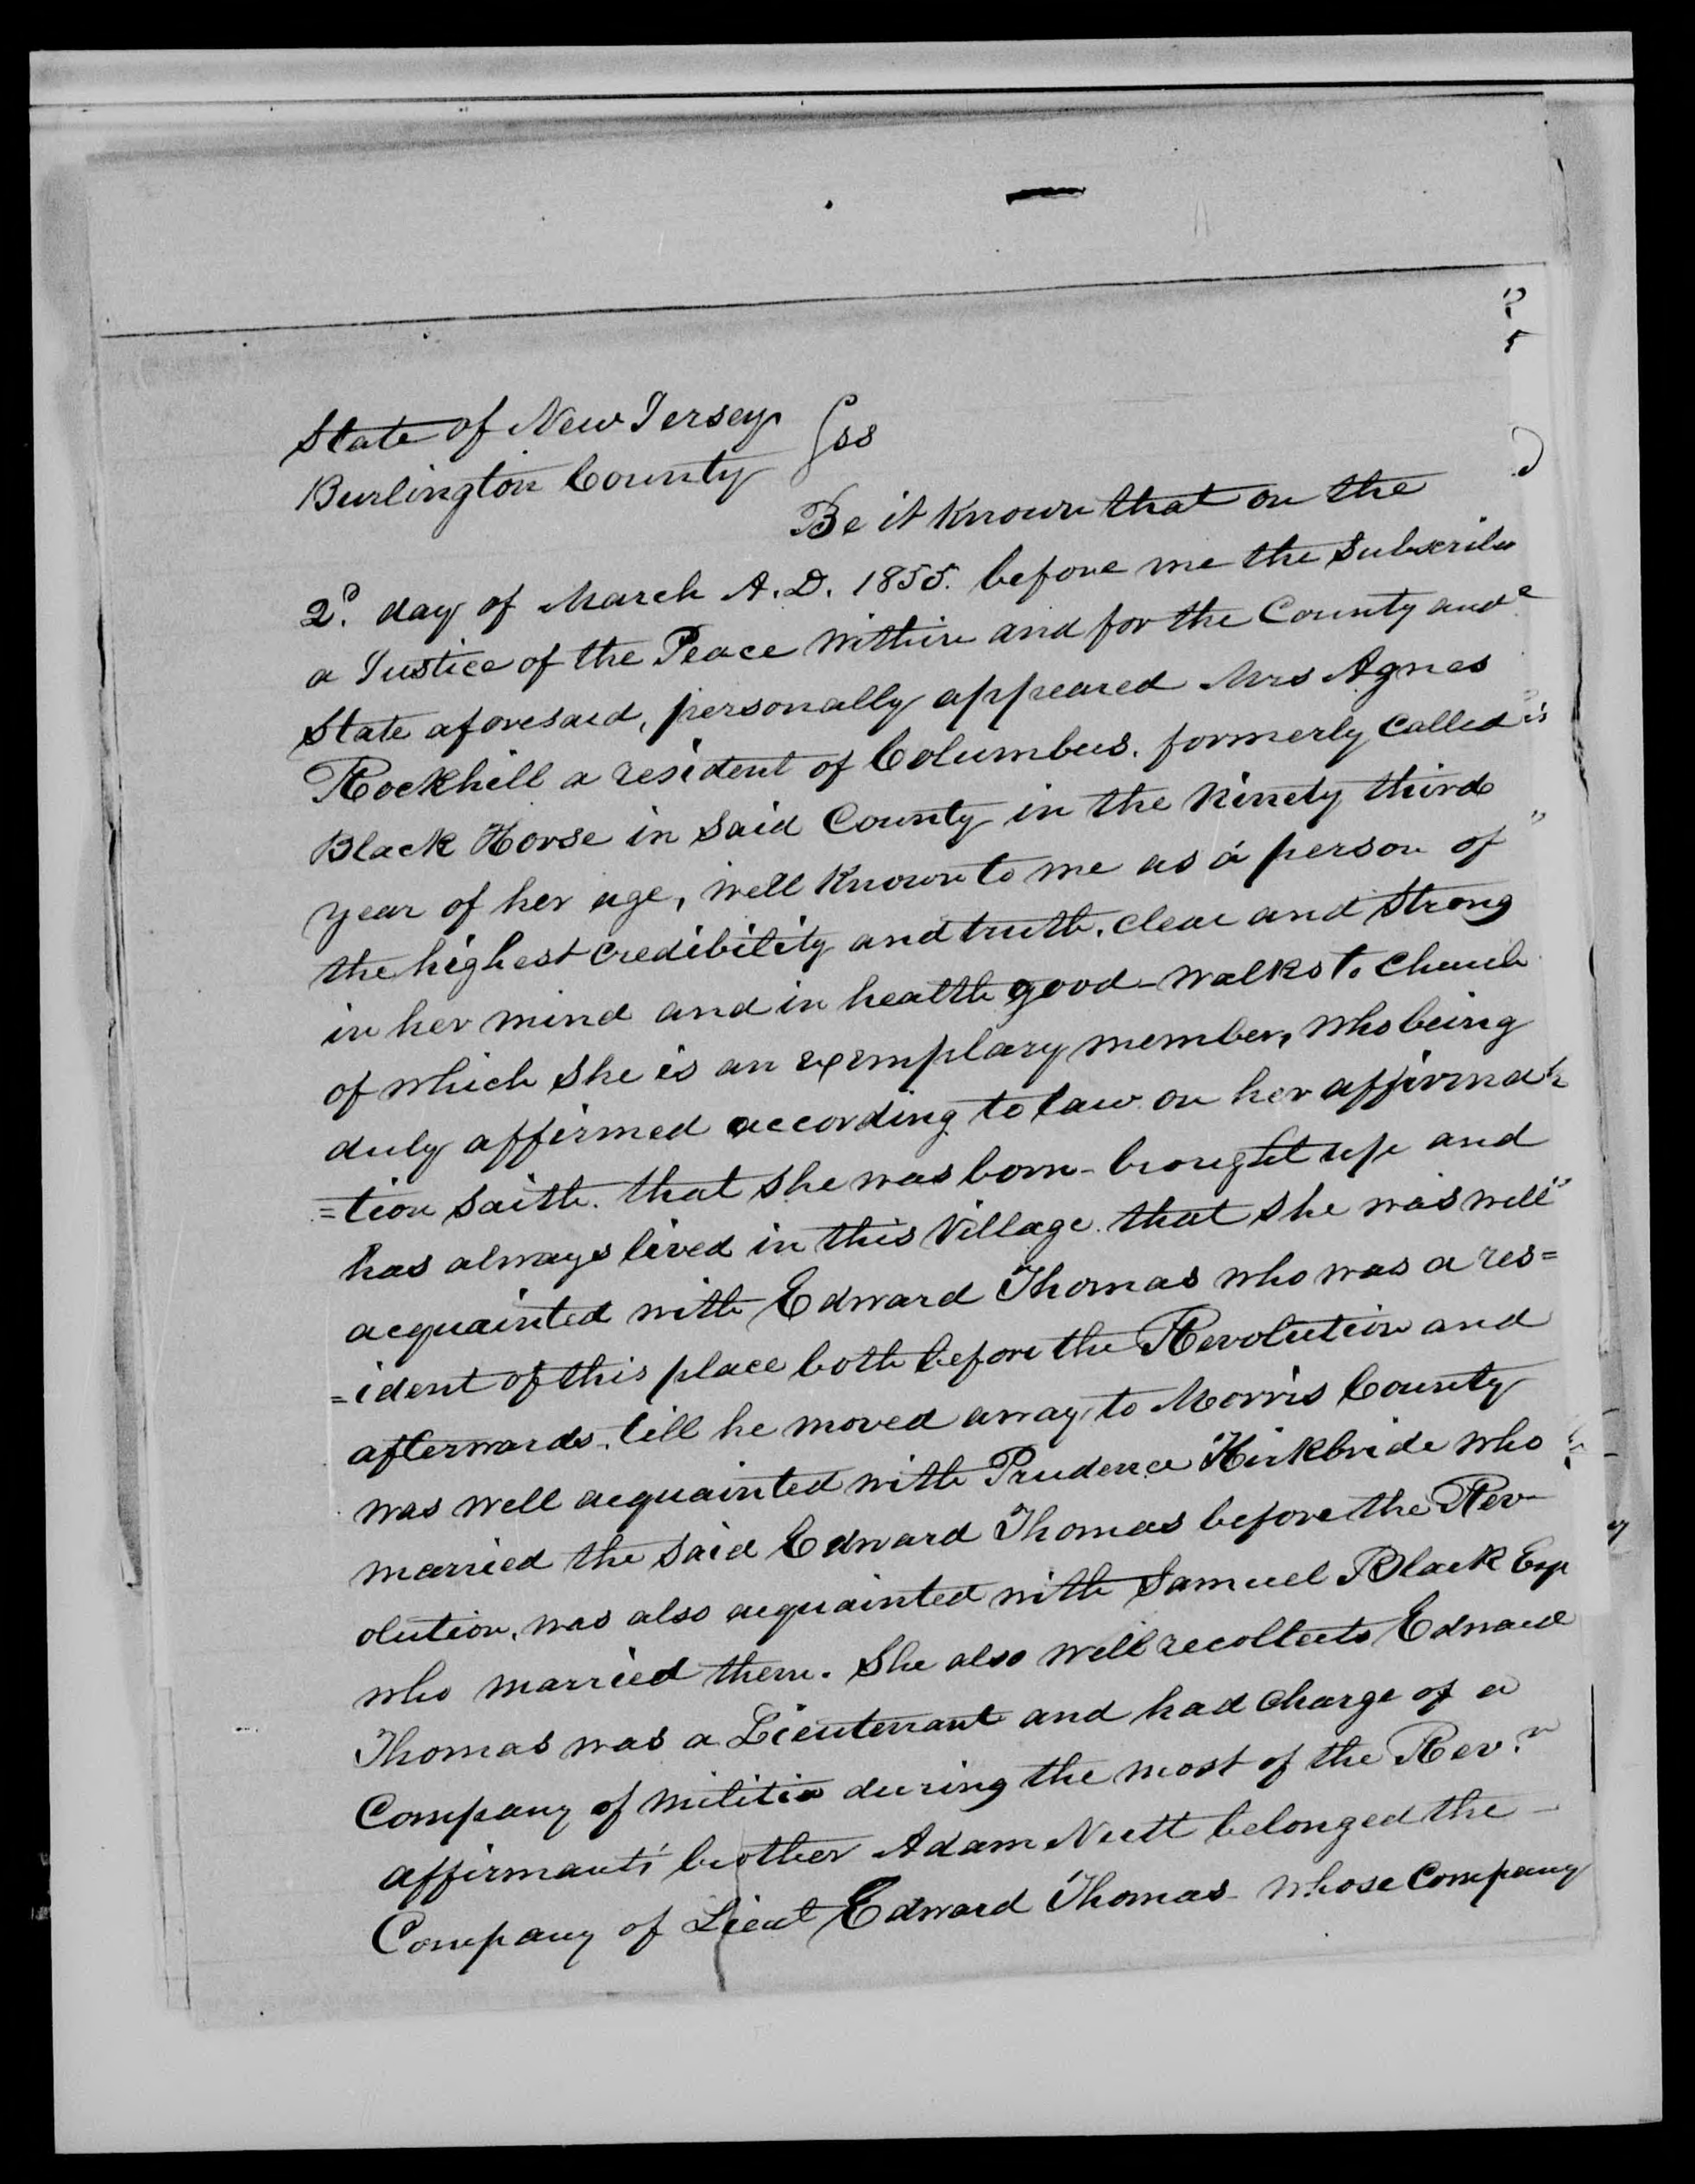State of New Jersey
Burlington county

Be is known that on the 2nd day of March A. D. 18[illegible] before me the subscribed a Justice of the Peace within and for the County and State aforesaid personally appeared Mrs. Agnew Rockhill a resident of columbus formerly called Black Horse in said county in the ninety third year of her age, well known to me as a person of the highest credibility and truch, clear and strong in her mind and in health good walks to church of which she is an exemplary member, who being duly affirmed according to law on her affirmation saith that she was home brought up and has always lived in this village that she was well acquainted with Edward Thomas who was a resident of this place both before the Revolution and afterwards till he moved away to Morris county was well acquanted with Prudence Kirkbride who married the said Edward Thomas before the Revolution was also acquainted with Samuel Black[illegible] who married them. She also well recollects Edward Thomas was a Lieutenant and had charge of a company of militia during the most of the Revolutionary. Affirmant’s brother Adam Nutt belonged the Company of Lieut. Edward Thomas whose company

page: 6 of 25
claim: rejected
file: R. 10513, for Edward Thomas, New Jersey